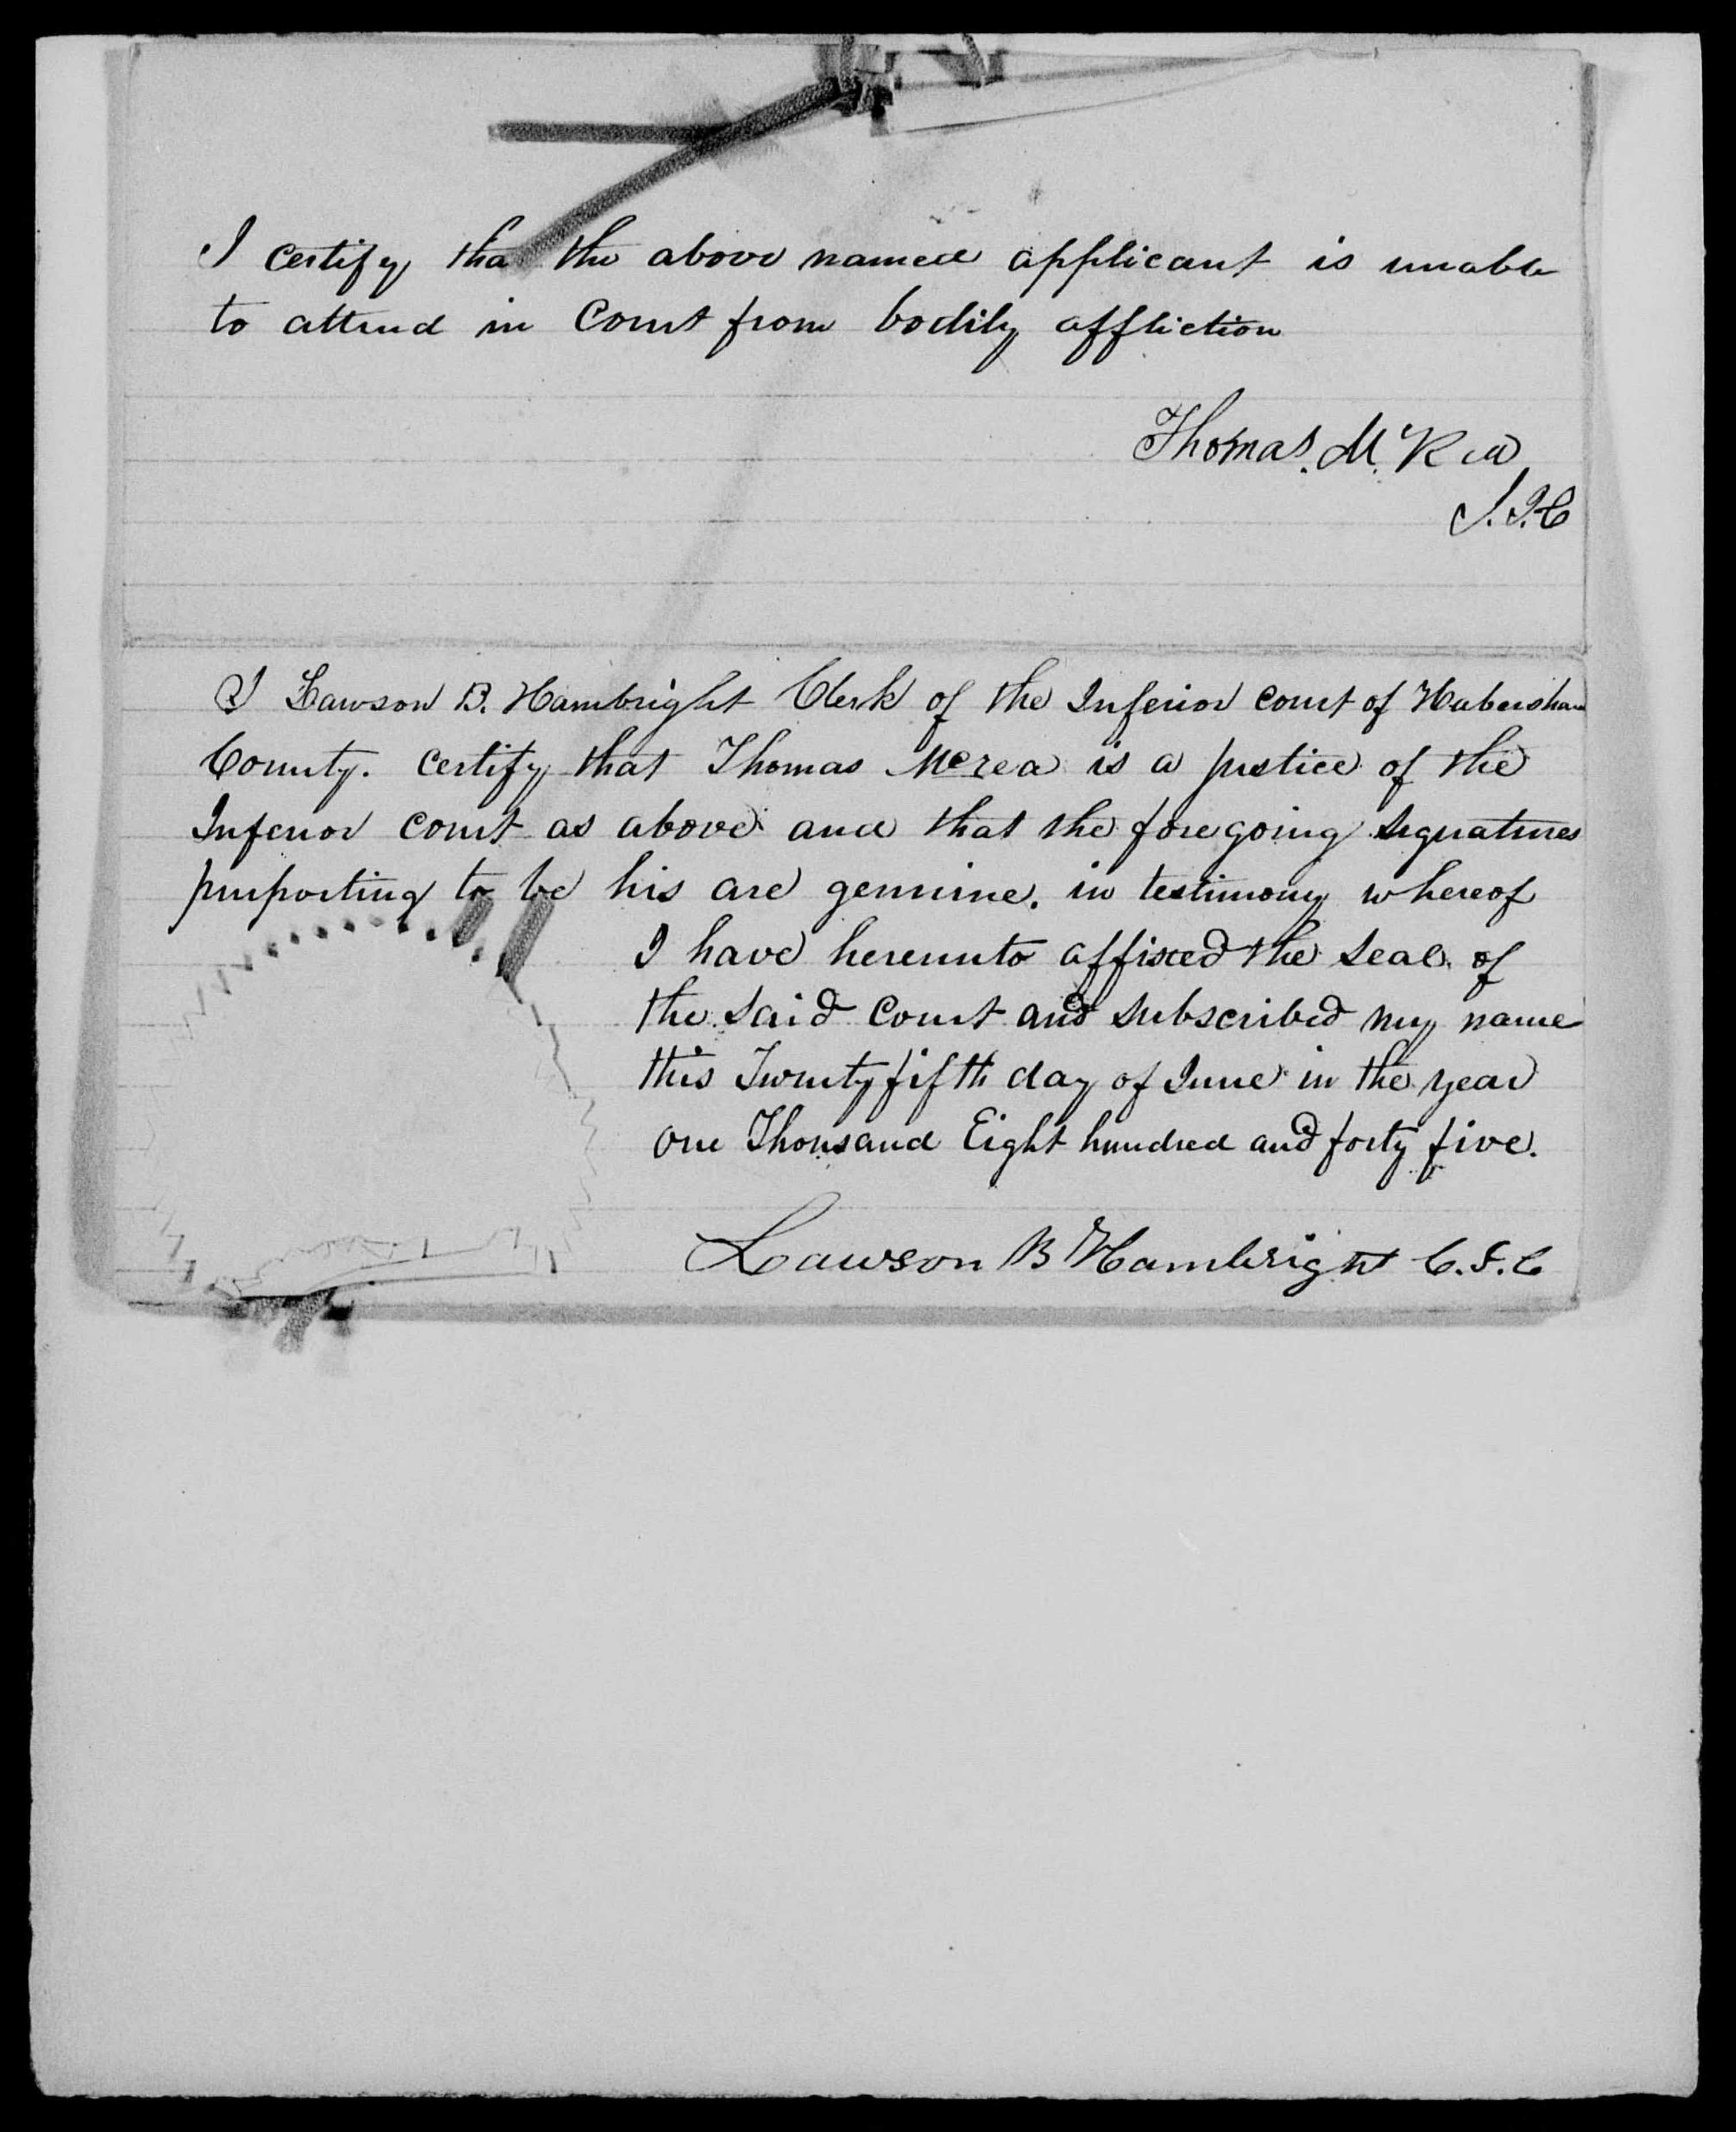I certify that the above name applicant is unable to attend in court from bodily affliction.
Thomas McRea
J.H.

I Lawson B. Hambright Clerk of the Inferior Court of Wabashaw County. Certify that Thomas McRea is a Justice of the Inferior Court as above and that the foregoing signatures purporting to be his are genuine, in testimony whereof I have hereunto affixed the seal of the said court and subscribed my name this Twenty fifth day of June in the year one thousand eight hundred and forty five.
Lawson B. Hambright C.O.C

(Seal was affixed on the left side of document but not legible as to the writing on it.)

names: Thomas Mc Rea, Lawson B Hambright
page: 9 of 108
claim: rejected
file: R. 7,515, John Hudgins, N.C.